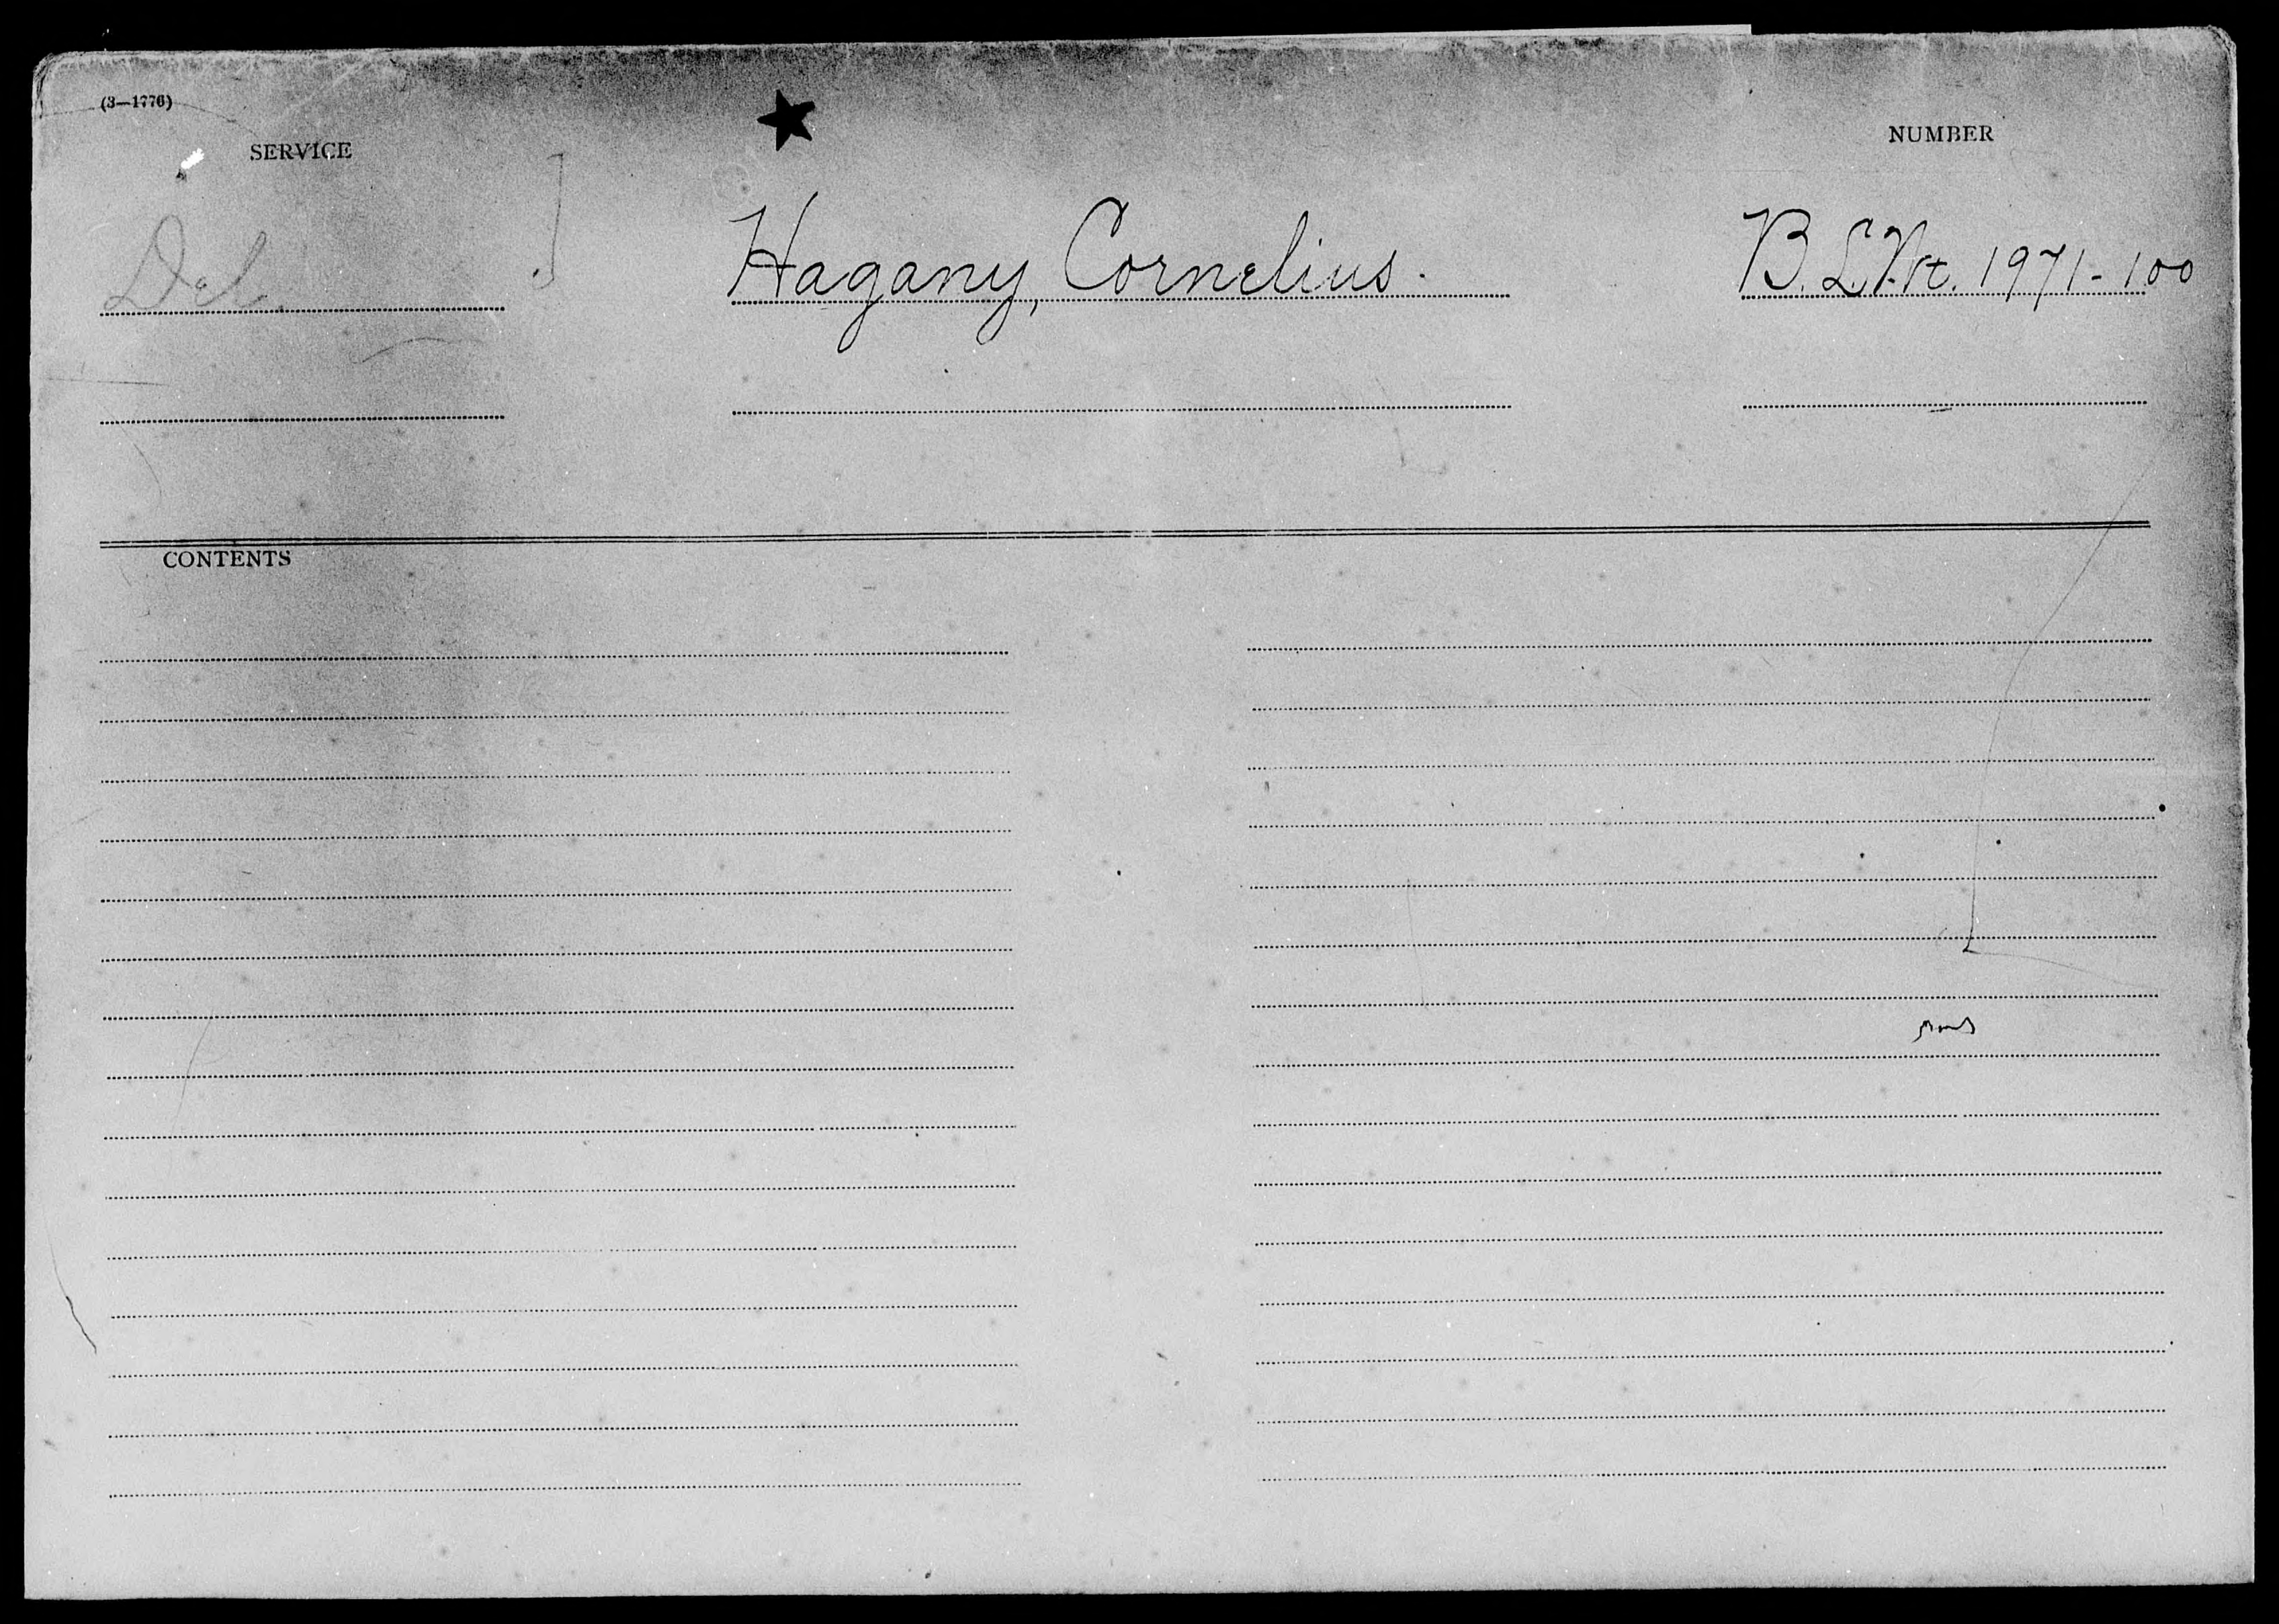(3-1776)
Service Del.
[black star] Hagany, Cornelius
Number B.L.Wt. 1971-100
Contents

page: 1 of 6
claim: bounty land warrant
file: B. L. Wt. 1971-100, Cornelius Hagany, Del.